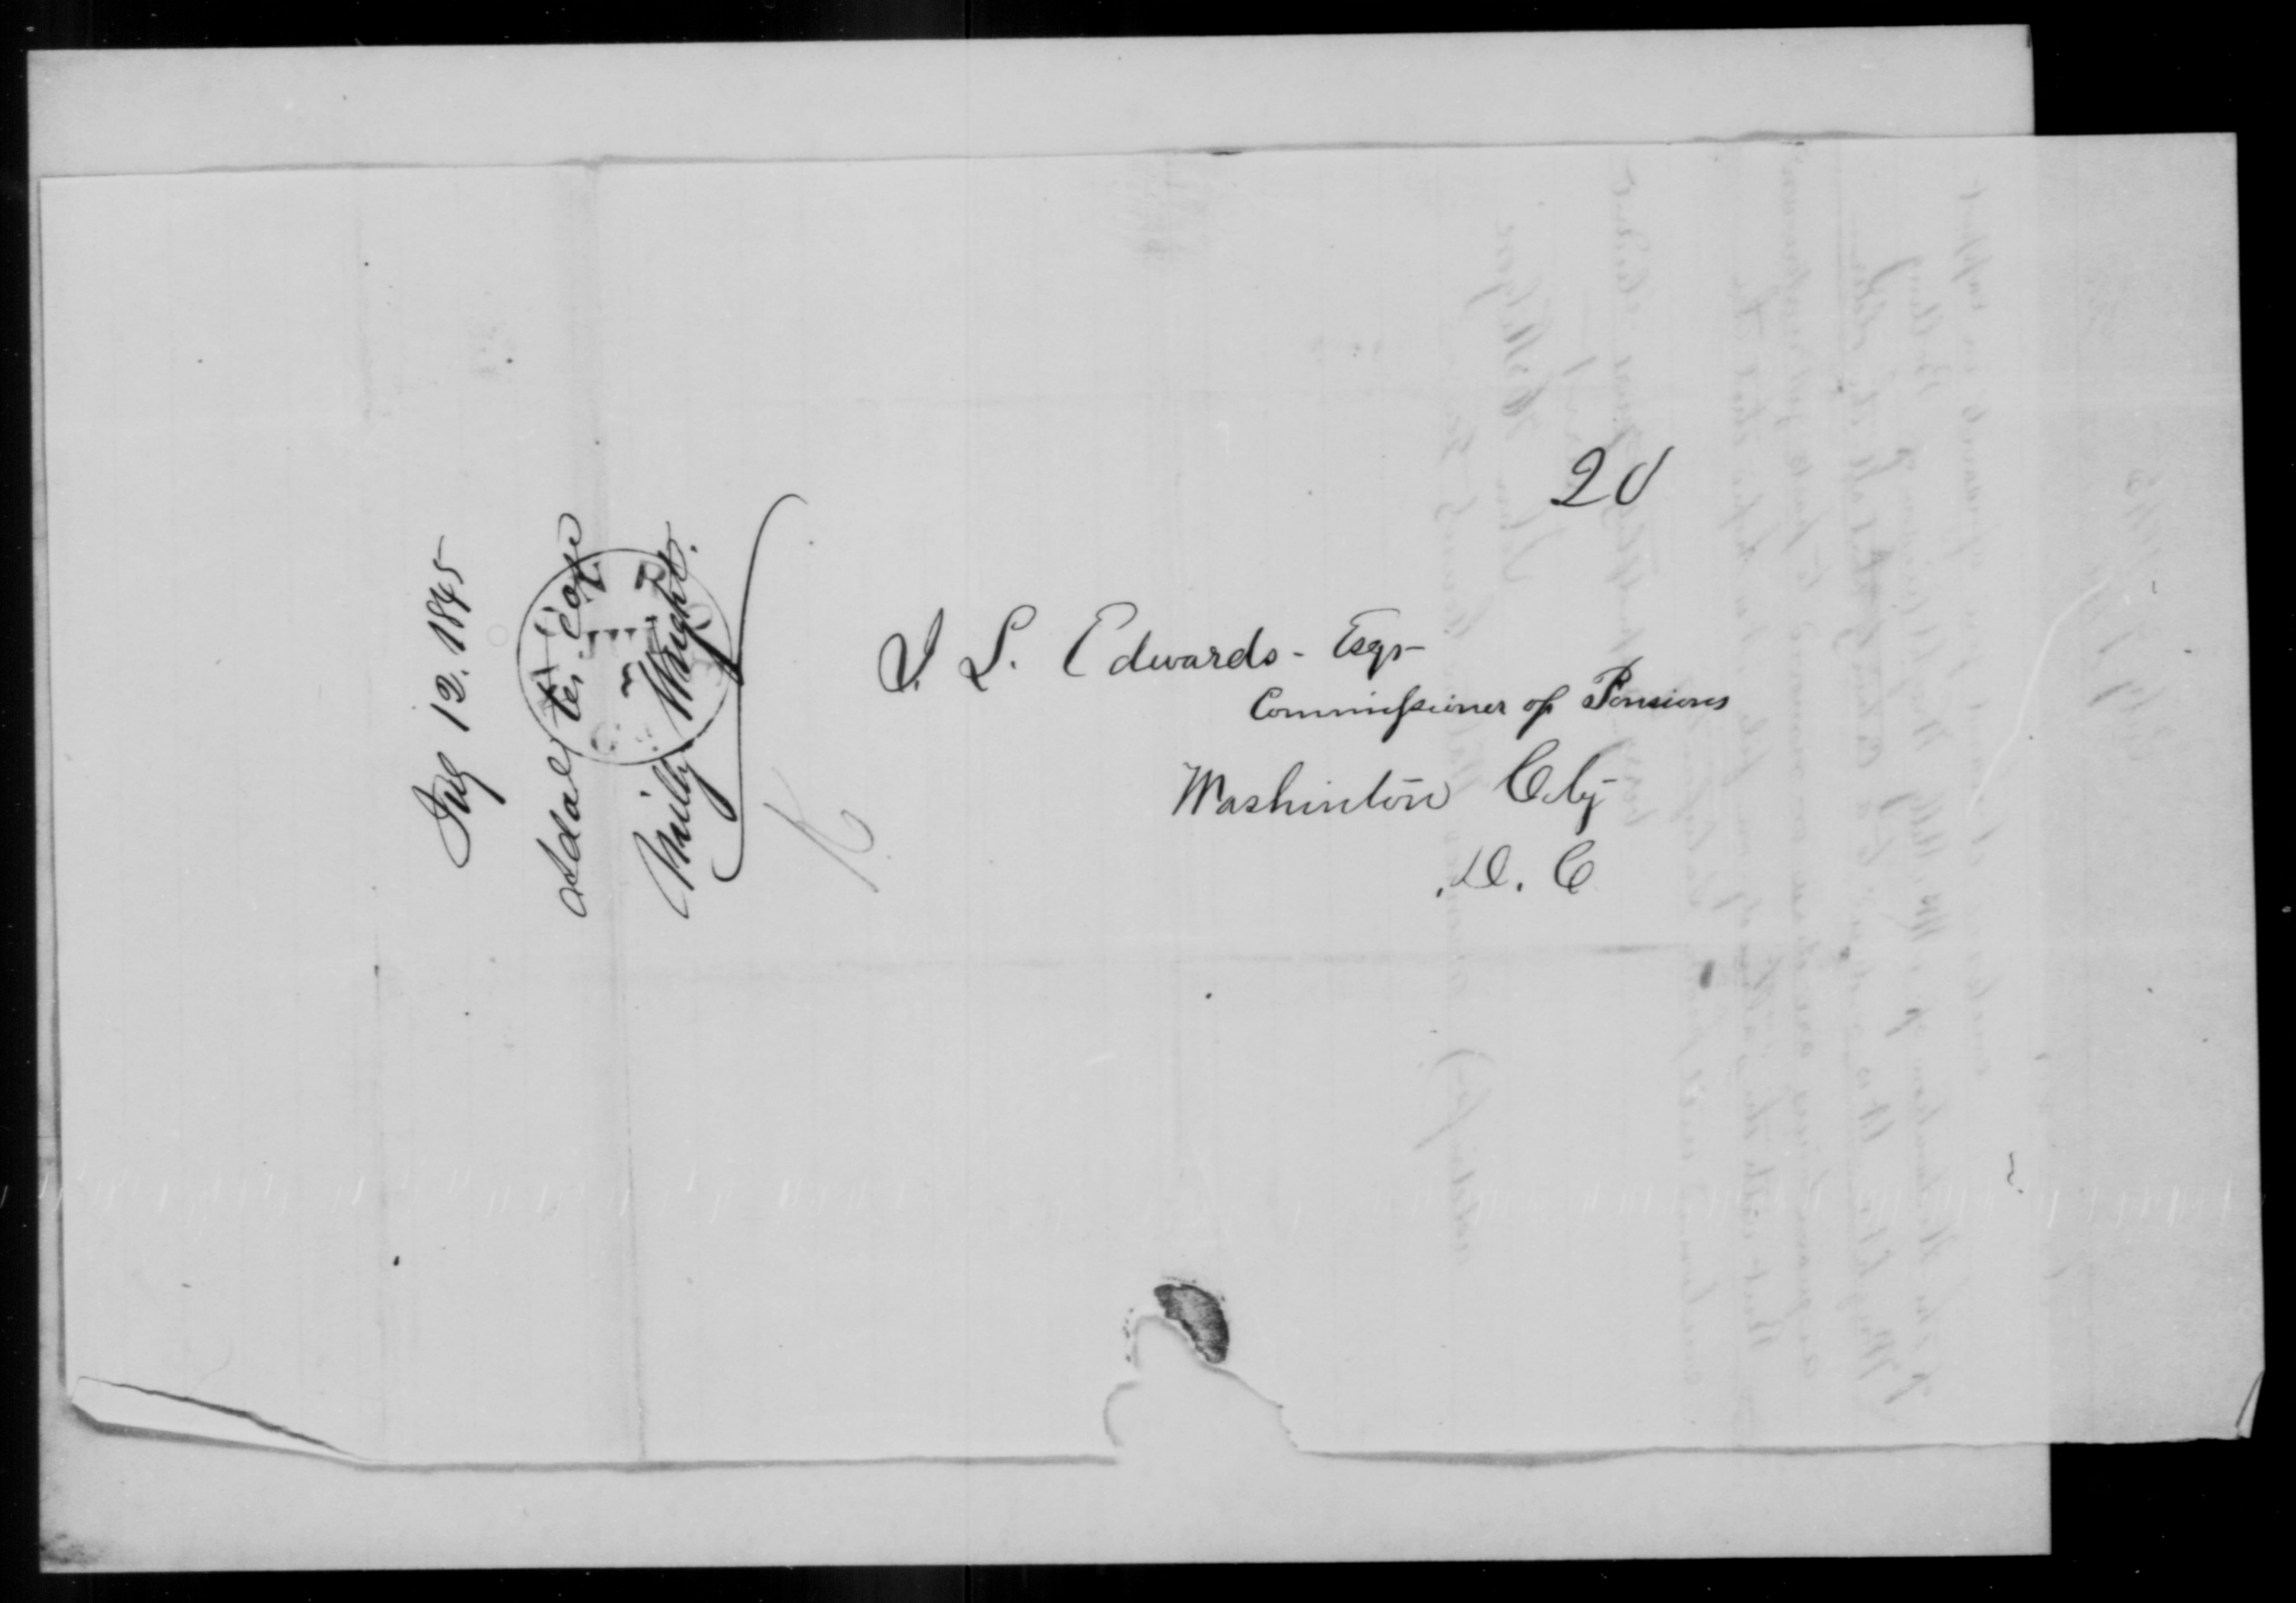Aug 12. 1845
[Illegible] case
Milly Wright

J. L. Edwards - Esqr
Commissioner of Pensions
Washington City
D. C.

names: Milly Wright, J L Edwards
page: 51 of 81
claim: widow's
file: W. 5183, Bolling Wright, Va.